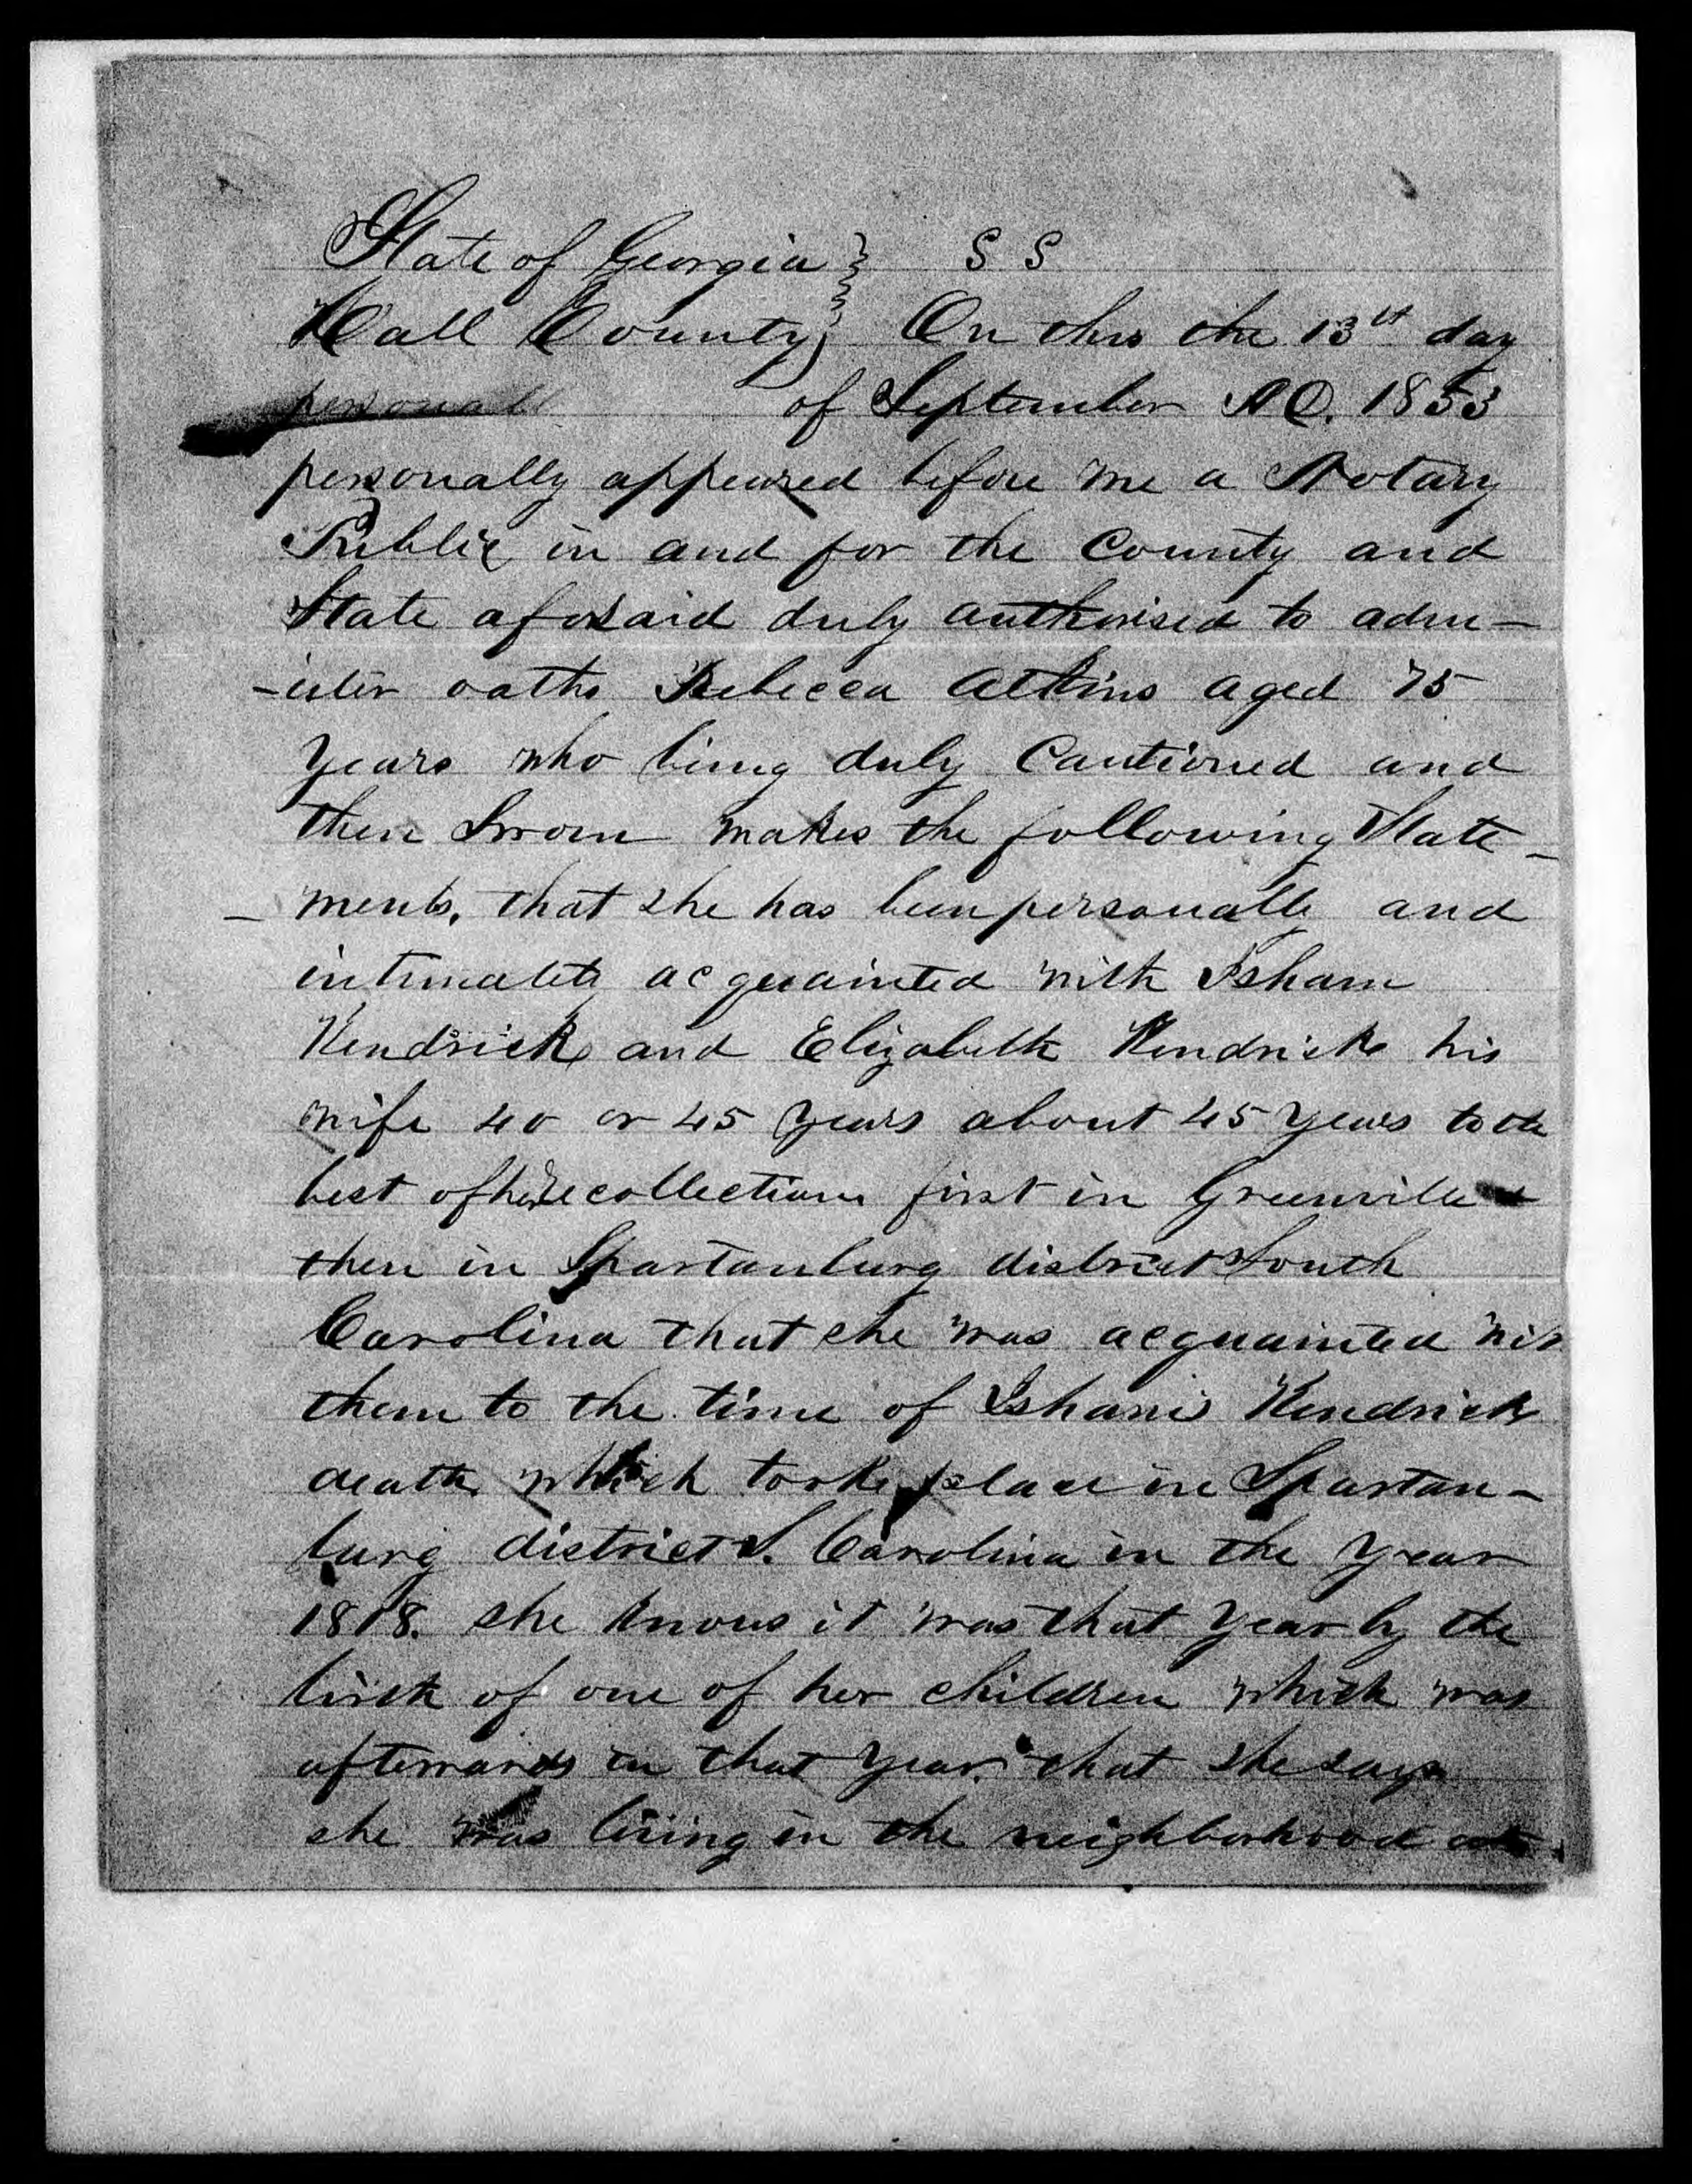State of Georgia
Hall County SS.

On this the 13th day 
of September A.D. 1853
personally appeared before me a Notary
Public in and for the County and
State aforesaid duly authorised to administer
oaths, Rebecca Atkins aged 75
years who being duly cautioned and 
then Sworn makes the following statements,
that she has been personally and 
intimately acquainted with Isham
Kendrick and Elizabeth Kendrick his
wife 40 to 45 years about 45 years to the
best of her recollection first in Greenville
then in Spartanburg districts South
Carolina  that she was acquainted with 
them to the time of Isham Kendricks
death which took place in Spartanburg
district S. Carolina in the year
1818.  she knows it was that year by the 
birth of one of her children which was 
afterwards in that year.  that she says
she was living in the neighborhood and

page: 11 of 29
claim: rejected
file: R. 5862, for Isham Kendrick, North Carolina